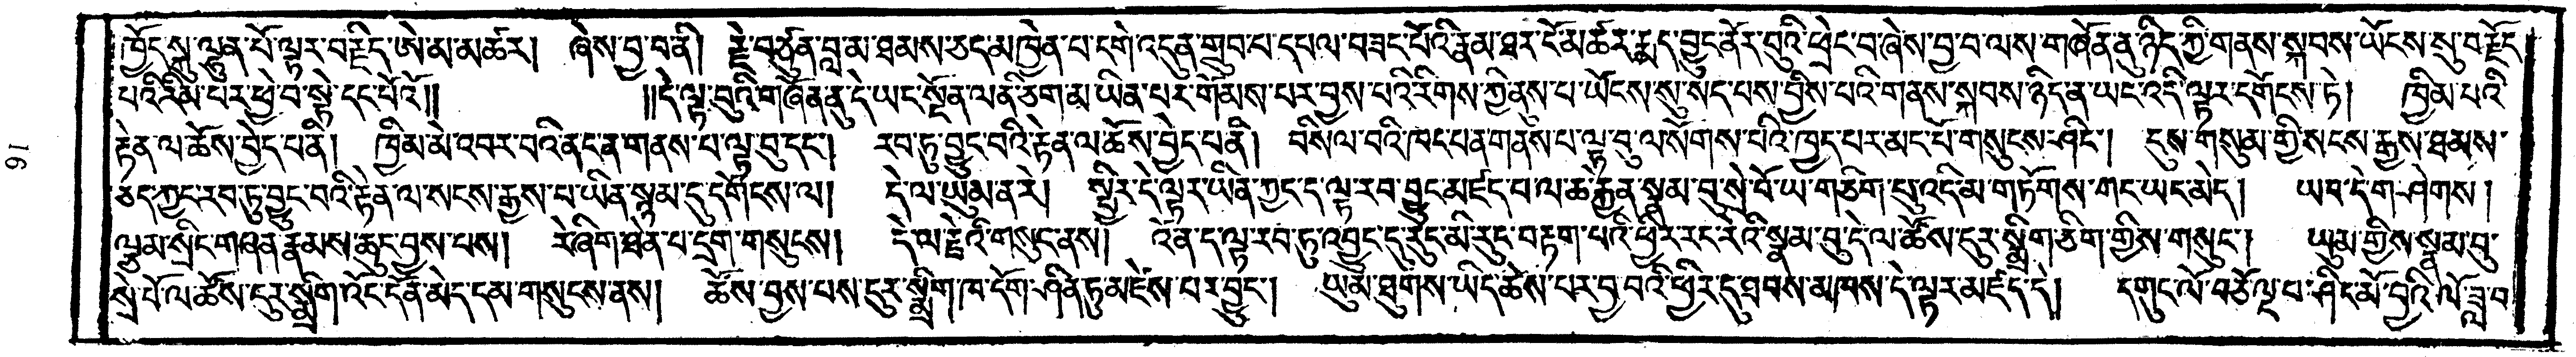ཁྱོད་སྐུ་ལྷུན་པོ་ལྟར་བརྗིད་ཨེ་མ་མཚར། ཞེས་བྱ་བ་ནི། རྗེ་བཙུན་བླ་མ་ཐམས་ཅད་མཁྱེན་པ་དགེ་འདུན་གྲུབ་པ་དཔལ་བཟང་པོའི་རྣམ་ཐར་ངོ་མཚར་རྨད་བྱུང་ནོར་བུའི་ཕྲེང་བ་ཞེས་བྱ་བ་ལས་གཞོན་ནུ་ཉིད་ཀྱི་གནས་སྐབས་ཡོངས་སུ་བརྗོད་
པའི་རིམ་པར་ཕྱེ་བ་སྟེ་དང་པོའོ།། །།དེ་ལྟ་བུའི་གཞོན་ནུ་དེ་ཡང་སྔོན་ལན་ཅིག་མ་ཡིན་པར་གོམས་པར་བྱས་པའི་རིགས་ཀྱི་ནུས་པ་ཡོངས་སུ་སད་པས་བྱིས་པའི་གནས་སྐབས་ཉིད་ན་ཡང་འདི་ལྟར་དགོངས་ཏེ། ཁྱིམ་པའི་
རྟེན་ལ་ཆོས་བྱེད་པ་ནི། ཁྱིམ་མེ་འབར་བའི་ནང་ན་གནས་པ་ལྟ་བུ་དང་། རབ་ཏུ་བྱུང་བའི་རྟེན་ལ་ཆོས་བྱེད་པ་ནི། བསིལ་བའི་ཁང་པ་ན་གནས་པ་ལྟ་བུ་ལ་སོགས་པའི་ཁྱད་པར་མང་པོ་གསུངས་ཤིང་། དུས་གསུམ་གྱི་སངས་རྒྱས་ཐམས་
ཅད་ཀྱང་རབ་ཏུ་བྱུང་བའི་རྟེན་ལ་སངས་རྒྱས་པ་ཡིན་སྙམ་དུ་དགོངས་ལ། དེ་ལ་ཡུམ་ན་རེ། སྤྱིར་དེ་ལྟར་ཡིན་ཀྱང་ད་ལྟ་རབ་བྱུང་མཛད་པ་ལ་ཆ་རྐྱེན་སྣམ་བུ་སྲེ་པོ་ཡ་གཅིག་པུ་འདི་མ་གཏོགས་གང་ཡང་མེད། ཡབ་དེ་གཤེགས།
ལྕམ་སྲིང་གཞན་རྣམས་ཆུང་བྱས་པས། རེ་ཞིག་ཐེན་པ་དྲག་གསུངས། དེ་ལ་རྗེའི་གསུང་ནས། འོ་ན་ད་ལྟ་རབ་ཏུ་འབྱུང་དུ་རུང་མི་རུང་བརྟག་པའི་ཕྱིར་རང་རེའི་སྣམ་བུ་དེ་ལ་ཚོས་དུར་སྨྲིག་ཅིག་གྱིས་གསུང་། ཡུམ་གྱིས་སྣམ་བུ་
སྲེ་པོ་ལ་ཚོས་དུར་སྨྲིག་འོང་དོན་མེད་དམ་གསུངས་ནས། ཚོས་བྱས་པས་དུར་སྨྲིག་ཁ་དོག་ཤིན་ཏུ་མཛེས་པར་བྱུང་། ཡུམ་ཐུགས་ཡིད་ཆེས་པར་བྱ་བའི་ཕྱིར་དུ་ཐབས་མཁས་དེ་ལྟར་མཛད་དེ། དགུང་ལོ་བཅོ་ལྔ་པ་ཤིང་མོ་བྱའི་ལོ་ཟླ་བ་